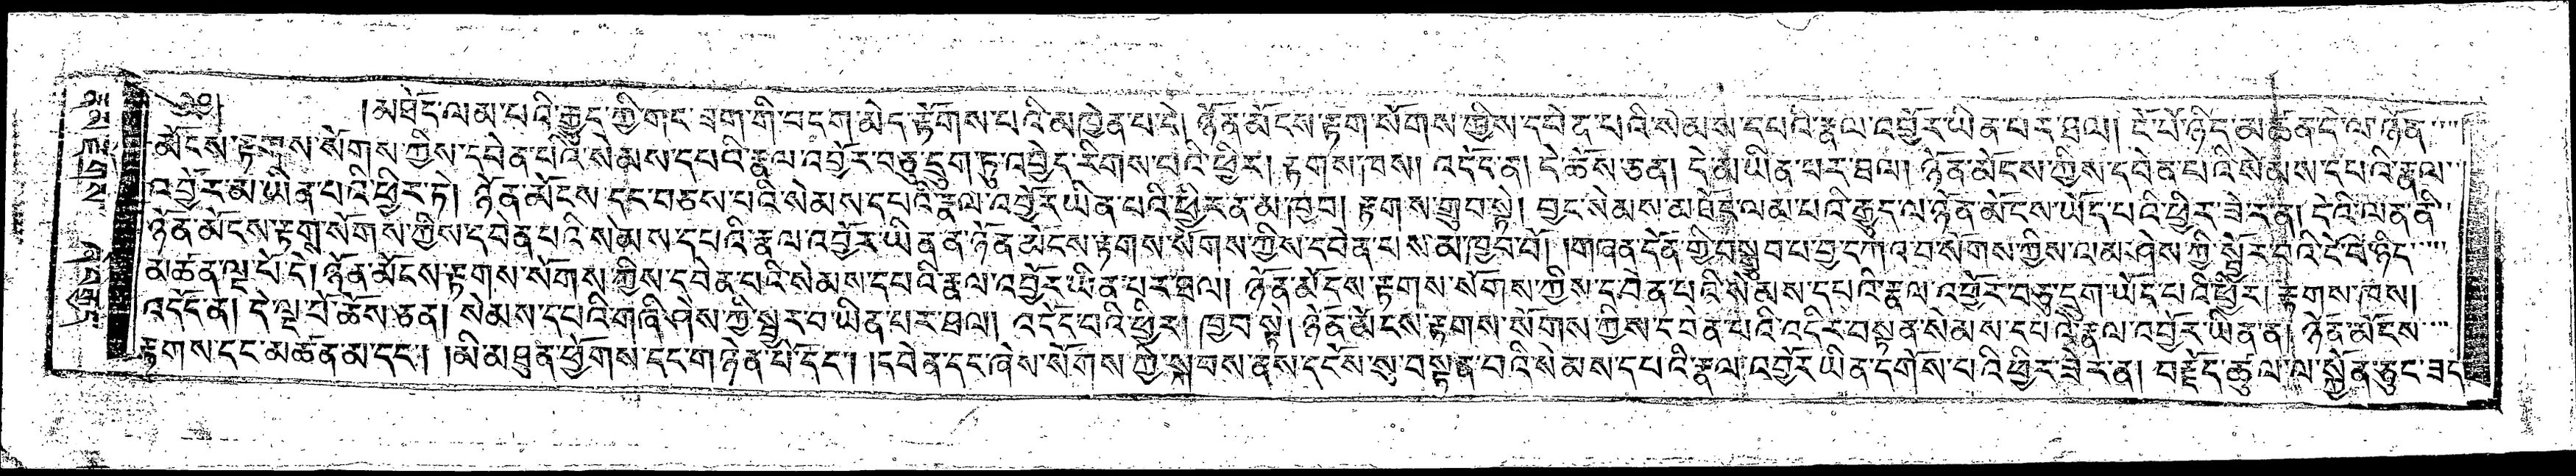༄༅། །མཐོང་ལམ་པའི་རྒྱུད་ཀྱི་གང་ཟག་གི་བདག་མེད་རྟོགས་པའི་མཁྱེན་པ་དེ། ཉོན་མོངས་རྟགས་སོགས་ཀྱིས་དབེན་པའི་སེམས་དཔའི་རྣལ་འབྱོར་ཡིན་པར་ཐལ། ངོ་བོ་ཉིད་མཚན་དེ་ལ་ཉོན་
མོངས་རྟགས་སོགས་ཀྱིས་དབེན་པའི་སེམས་དཔའི་རྣལ་འབྱོར་བཅུ་དྲུག་ཏུ་འབྱེད་རིགས་པའི་ཕྱིར། རྟགས་ཁས། འདོད་ན། དེ་ཆོས་ཅན། དེ་མ་ཡིན་པར་ཐལ། ཉོན་མོངས་ཀྱིས་དབེན་པའི་སེམས་དཔའི་རྣལ་
འབྱོར་མ་ཡིན་པའི་ཕྱིར་ཏེ། ཉོན་མོངས་དང་བཅས་པའི་སེམས་དཔའི་རྣལ་འབྱོར་ཡིན་པའི་ཕྱིར་ན་མ་ཁྱབ། རྟགས་གྲུབ་སྟེ། བྱང་སེམས་མཐོང་ལམ་པའི་རྒྱུད་ལ་ཉོན་མོངས་ཡོད་པའི་ཕྱིར་ཟེར་ན། དེའི་ལན་ནི་
ཉོན་མོངས་རྟགས་སོགས་ཀྱིས་དབེན་པའི་སེམས་དཔའི་རྣལ་འབྱོར་ཡིན་ན་ཉོན་མོངས་རྟགས་སོགས་ཀྱིས་དབེན་པས་མ་ཁྱབ་བོ། །གཞན་དོན་གྱི་བསྒྲུབ་པ་བྱ་དཀའ་བ་སོགས་ཀྱིས་ལམ་ཤེས་ཀྱི་སྦྱོར་བའི་ངོ་བོ་ཉིད་
མཚན་ལྔ་པོ་དེ། ཉོན་མོངས་རྟགས་སོགས་ཀྱིས་དབེན་པའི་སེམས་དཔའི་རྣལ་འབྱོར་ཡིན་པར་ཐལ། ཉོན་མོངས་རྟགས་སོགས་ཀྱིས་དབེན་པའི་སེམས་དཔའི་རྣལ་འབྱོར་བཅུ་དྲུག་ཡོད་པའི་ཕྱིར། རྟགས་ཁས།
འདོད་ན། དེ་ལྔ་པོ་ཆོས་ཅན། སེམས་དཔའི་གཞི་ཤེས་ཀྱི་སྦྱོར་བ་ཡིན་པར་ཐལ། འདོད་པའི་ཕྱིར། ཁྱབ་སྟེ། ཉོན་མོངས་རྟགས་སོགས་ཀྱིས་དབེན་པའི་འདིར་བསྟན་སེམས་དཔའི་རྣལ་འབྱོར་ཡིན་ན། ཉོན་མོངས་
རྟགས་དང་མཚན་མ་དང་། །མི་མཐུན་ཕྱོགས་དང་གཉེན་པོ་དང་། །དབེན་དང་ཞེས་སོགས་ཀྱི་སྐབས་ནས་དངོས་སུ་བསྟན་པའི་སེམས་དཔའི་རྣལ་འབྱོར་ཡིན་དགོས་པའི་ཕྱིར་ཟེར་ན། བརྗོད་ཚུལ་ལ་སྐྱོན་ཅུང་ཟད་